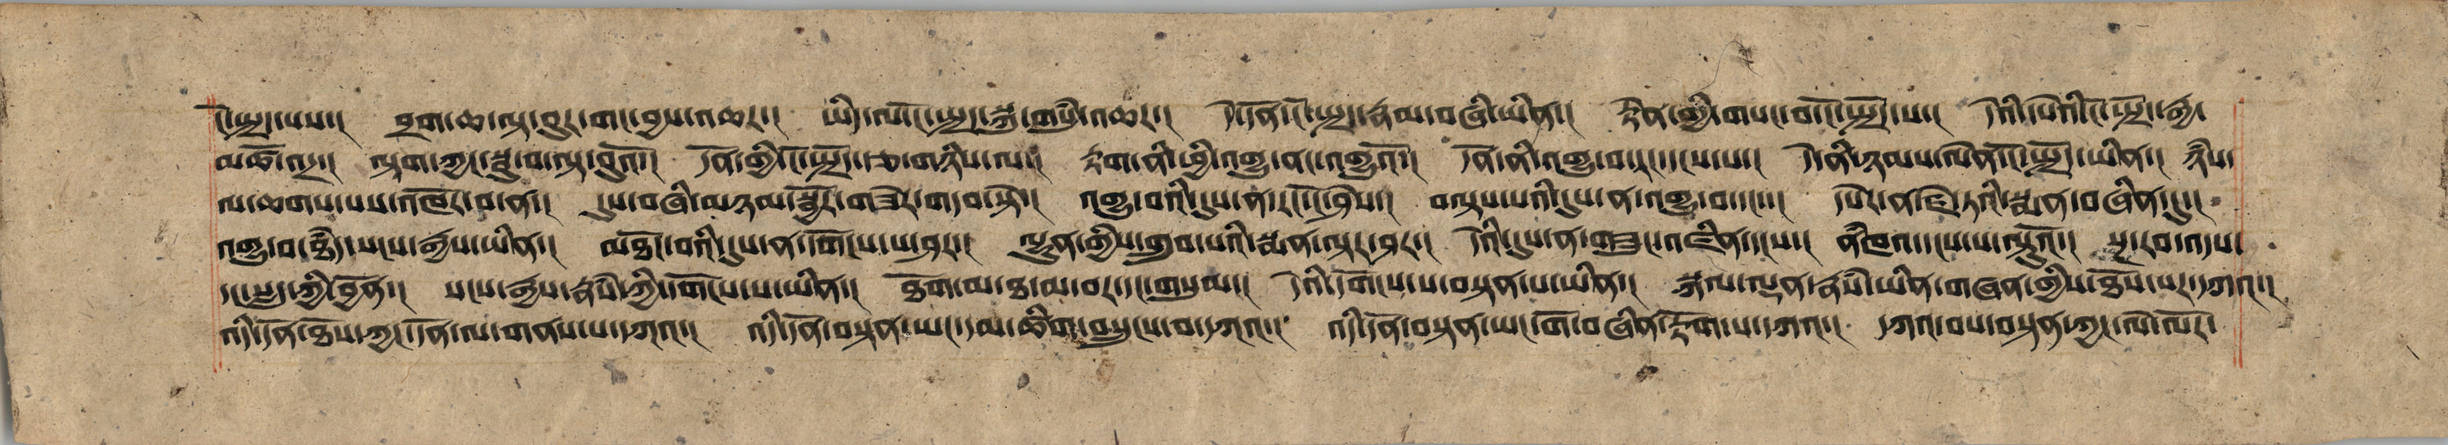ངོ་སྤྲད་པས་། བྲག་ཆ་ལྟ་བུར་གང་བྱས་འཆར་། ཡིད་ལ་ངོ་སྤྲད་སྐུ་གསུཾ་འཆར་། དེ་དོན་ངོ་སྤྲད་རྣམ་བཞི་ཡིན་། རྟེན་གྱི་གསང་བ་ངོ་སྤྲོད་པ་། དེའི་དཔེའི་ངོ་སྤྲོད་རྒྱ་
མཚོ་འདྲ་། ལྟག་ཀྱང་སྦུ་བ་ལྟ་བུའོ་། དོན་གྱི་ངོ་སྤྲོད་རྩ་གཉིས་ལ་། རྟག་ནི་ཕྱི་འགྱུ་ནང་འགྱུའོ་། དོན་ནི་འགྱུ་བ་རང་དངས་པ་། དེ་ནི་ཉམས་ལེན་ངོ་སྤྲོད་ཡིན་། ཉཾས་
ལ་ཆགས་པས་འཁོར་བ་ན་། དུས་བཞི་མཉམ་སྦྱོར་གཟེར་གདབ་སྟེ་། འགྱུ་བའི་དུས་ན་རང་ངོ་ཤེས་། བལྟས་པའི་དུས་ན་འགྱུ་བ་དང་་། དཔེར་ན་ཛེ་ཏའི་སྨན་བཞིན་དུ་།
འགྱུ་བ་ཐཾད་སངས་རྒྱས་ཡིན་། མཐོང་བའི་དུས་ན་དགོངས་པ་ཤར་། ལྷུན་གྱིས་གྲུབ་པའི་སྨན་ལྟར་ཤར་། དེའི་དུས་ན་གཟུང་འཛིན་དངས་། ནཾཁའ་དངས་པ་ལྟུའོ་། སྔ་རབ་འདས་
དང་སླད་ཀྱི་བྱོན་། སངས་རྒྱས་རྣཾས་ཀྱི་དགོངས་པ་ཡིན་། ཐོག་མ་ཐ་མ་བར་དང་གསུམ་། དེའི་དགོངས་པ་བསྟན་པ་ཡིན་། སྐལ་ལྡན་རྣཾས་ཡིན་གཞན་གྱིས་ཐོས་པར་དཀའ་།
འདི་དོན་ཐོས་ཀྱང་དོན་ལ་གནས་པ་དཀའ་། འདི་དོན་བསྟན་ཡང་དམ་ཚིག་བསྲུངས་བ་དཀའ་། འདི་དོན་བསྟན་ཡང་གོ་བཞིན་རྟོག་པ་དཀའ་། དཀའ་བས་བསྟན་ཀྱང་ལེ་ལོར་